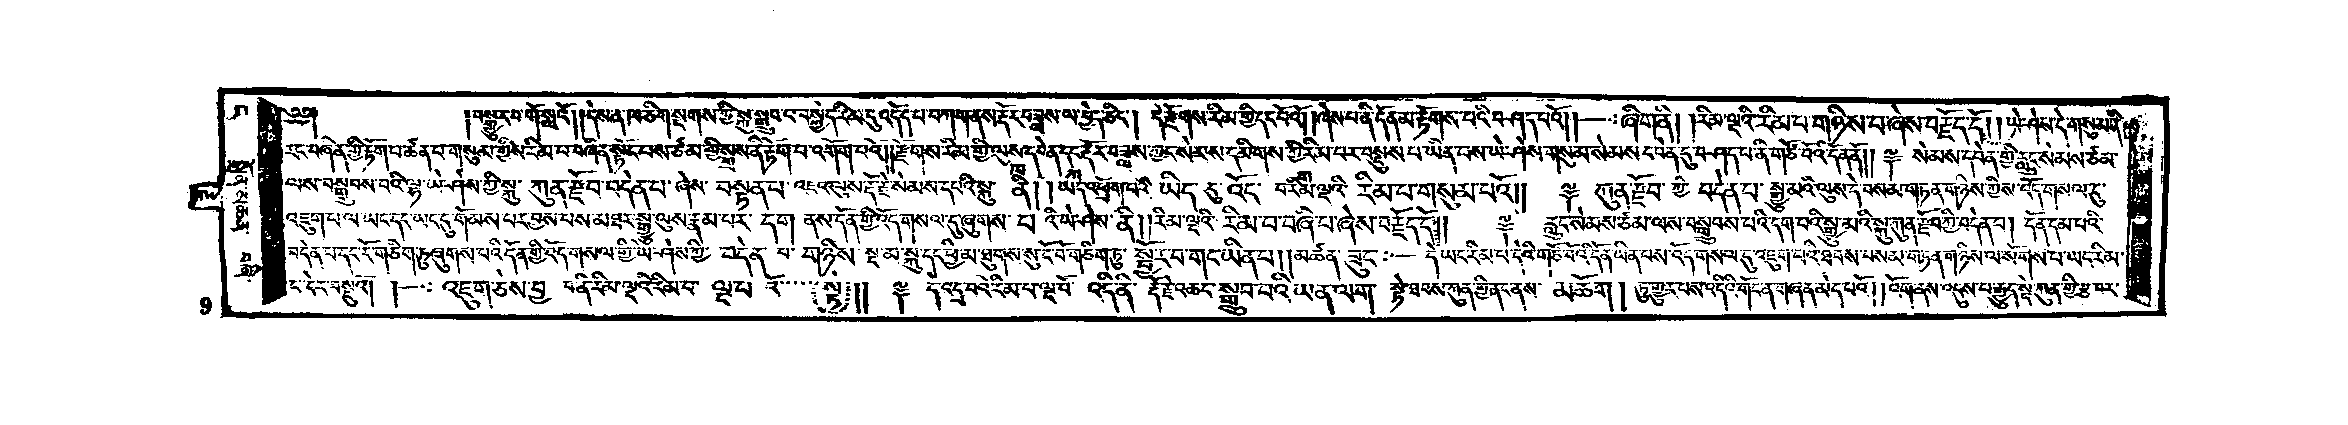༄༅། །བསྒྱུར་བ་གོ་སླའོ། །དེས་ན་ཁ་ཅིག་སྔགས་ཀྱི་སྐུ་སྒྲུབ་པ་བསྐྱེད་རིམ་དུ་འདོད་པ་བཀག་ནས་རྡོར་བཟླས་ལ་བྱེད་ཅིང་། དེ་རྫོགས་རིམ་གྱི་དང་པོའོ། །ཞེས་པ་ནི་དོན་མ་རྟོགས་པའི་བཤད་པའོ། ། .H ཞིག་ནི། །རིམ་ལྔའི་རིམ་པ་གཉིས་པ་ཞེས་བརྗོད་དོ། །ཡེ་ཤེས་དེ་གསུམ་ནི་
རང་བཞིན་གྱི་རྟོག་པ་ཚན་པ་གསུམ་གྱིས་རིམ་པ་བཞིན་སྟོང་པས་ཙམ་གྱི་སྒྲས་ནི་རྟོག་པ་འགོག་པའོ། །རྫོགས་རིམ་གྱི་ལུས་དབེན་དང་རྡོར་བཟླས་ཀྱང་སེམས་དམིགས་ཀྱི་རིམ་པར་བསྡུས་པ་ཡིན་པས་ཡེ་ཤེས་གསུམ་སེམས་དབེན་དུ་བཤད་པ་ནི་གཙོ་བོའི་དོན་ནོ།། ༈ སེམས་དབེན་གྱི་རླུང་སེམས་ཙམ་
ལས་བསྒྲུབས་པའི་ལྷ་ཡེ་ཤེས་ཀྱི་སྐུ་ཀུན་རྫོབ་བདེན་པ་ཞེས་བསྟན་པ་འཇའ་ལུས་རྡོ་རྗེ་སེམས་དཔའི་སྐུ་ནི། ། ཡིད་འཕྲོག་པའི་ཡིད་དུ་འོང་བ་རིམ་ལྔའི་རིམ་པ་གསུམ་པའོ།། ༈ ཀུན་རྫོབ་ཀྱི་བདེན་པ་སྒྱུ་མའི་ལུས་དེ་བསམ་གཏན་གཉིས་ཀྱིས་འོད་གསལ་དུ་
འཇུག་པ་ལ་ཡང་དང་ཡང་དུ་གོམས་པར་བྱས་པས་མཐར་སྒྱུ་ལུས་རྣམ་པར་དག་ནས་དོན་གྱི་འོད་གསལ་དུ་ཞུགས་པ་འི་ཡེ་ཤེས་ནི། །རིམ་ལྔའི་རིམ་པ་བཞི་པ་ཞེས་བརྗོད་དོ།། ༈ རླུང་སེམས་ཙམ་ལས་བསྒྲུབས་པའི་དག་པའི་སྒྱུ་མའི་སྐུ་ཀུན་རྫོབ་ཀྱི་བདེན་པ། དོན་དམ་པའི་
བདེན་པ་དང་རོ་གཅིག་ཏུ་ཞུགས་པའི་དོན་གྱི་འོད་གསལ་གྱི་ཡེ་ཤེས་ཀྱི་བདེན་པ་གཉིས་སྔ་མ་སྐུ་དང་ཕྱི་མ་ཐུགས་སུ་ངོ་བོ་གཅིག་ཏུ་སྦྱོར་བ་གང་ཡིན་པ། ། མཚན་ཟུང་H.་དེ་ཡང་རིམ་པ་དེའི་གཙོ་བོའི་དོན་ཡིན་པས་འོད་གསལ་དུ་འཇུག་པའི་ཐབས་བསམ་གཏན་གཉིས་ལ་སོགས་པ་ཡང་རིམ་
པ་དེར་བསྡུའོ། །.Hའཇུག་ཅེས་བྱ་བ་ནི་རིམ་ལྔའི་རིམ་པ་ལྔ་པའོ་སྟེ།། ༈ དེ་འདྲ་བའི་རིམ་པ་ལྔ་པོ་འདི་ནི་རྡོ་རྗེ་འཆང་སྒྲུབ་པའི་ཡན་ལག་སྟེ་ཐབས་ཀུན་གྱི་ནང་ནས་མཆོག །ཏུ་གྱུར་པས་འདིའི་གོང་ན་གཞན་མེད་པའོ། །འོག་ནས་འདུས་པ་རྒྱུད་སྡེ་ཀུན་གྱི་རྩ་བར་